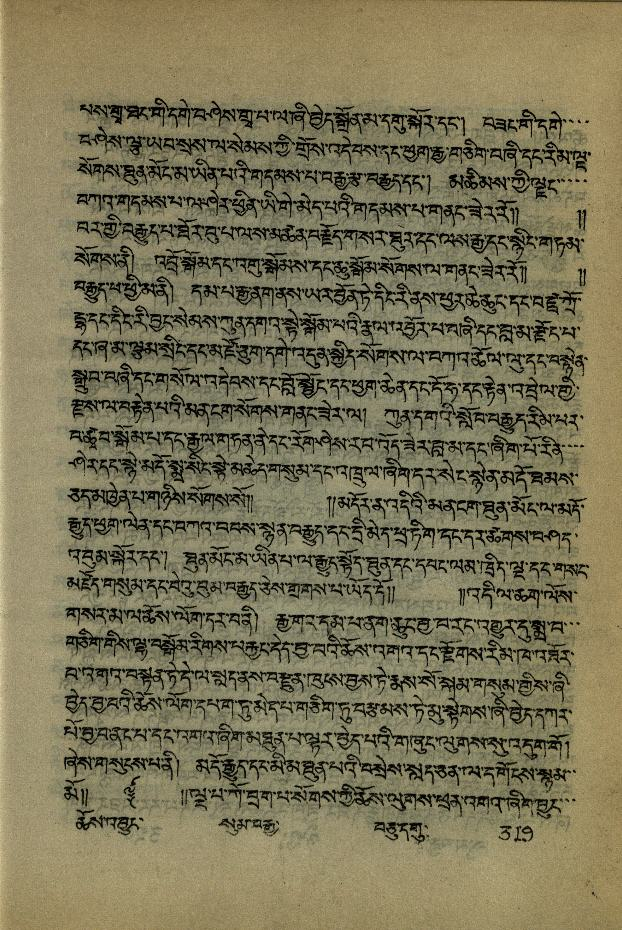པས་གྲྭ་ཐང་གི་དགེ་བཤེས་གྲྭ་པ་ལ་ཞི་བྱེད་སྒྲོན་མ་དགུ་སྐོར་དང་། བཟང་གི་དགེ་
བཤེས་ལྕ་ཡབ་སྲས་ལ་སེམས་ཀྱི་གྲོས་འདེབས་དང་ཕྱག་རྒྱ་གཅིག་བཞི་དང་རིམ་ལྔ་
སོགས་ཐུན་མོང་མ་ཡིན་པའི་གདམས་པ་བརྒྱ་རྩ་བརྒྱད་དང་། མཆིམས་ཀྱི་ལྗང་
བཀའ་གདམས་པ་ལ་ཤེར་ཕྱིན་ཡི་གེ་མེད་པའི་གདམས་པ་གནང་ཟེར་རོ།། །།
བར་གྱི་བརྒྱུད་པ་ཐོར་བུ་པ་ལས་མཚན་བརྗོད་གསར་ཐུར་དང་ལས་རྒྱ་དང་སྙིང་གཏམ་
སོགས་ནི། འབྲོ་སྒོམ་དང་འགུ་སྒོམས་དང་ཆུ་སྒོམ་སོགས་ལ་གནང་ཟེར་རོ།། །།
བརྒྱུད་པ་ཕྱི་མ་ནི། དམ་པ་རྒྱ་ནག་ནས་ཡར་བྱོན་ཏེ་དིང་རི་ནས་ཕྱར་ཆེ་ཆུང་དང་བཛྲ་ཀྲོ་
དྷ་དང་དིང་རི་བྱང་སེམས་ཀུན་དགའ་སྟེ་སྒོམ་པའི་རྣལ་འབྱོར་པ་བཞི་དང་བླ་མ་རྫོང་པ་
དང་ཞ་མ་ལྕམ་སྲིང་དང་མཛོ་ཅུག་དགེ་འདུན་སྐྱིད་སོགས་ལ་བཀའ་ཆོལ་ལུ་དང་བསྙེན་
སྒྲུབ་བཞི་དང་གསོལ་འདེབས་དང་བློ་སྦྱོང་དང་ཕྱག་ཆེན་དང་དོ་ཧ་དང་རྟེན་འབྲེལ་གྱི་
རྫས་ལ་བརྟེན་པའི་མན་ངག་སོགས་གནང་ཟེར་ལ། ཀུན་དགའི་སློབ་བརྒྱུད་རིམ་པར་
བ་ཚྭ་བ་སྒོམ་པ་དང་རྒྱལ་གཏན་ནེ་དང་རོག་ཤེས་རབ་འོད་ཟེར་བླ་མ་དང་ཞིག་པོ་རིན་
ཤེར་དང་སྙེ་མདོ་སྨྲ་སིང་སྟེ་མཆེད་གསུམ་དང་འཁྲུལ་ཞིག་དར་སེང་སྙེན་མདོ་ཐམས་
ཅད་མཁྱེན་པ་གཉིས་སོགས་སོ།། །།མདོར་ན་འདིའི་མན་ངག་ཐུན་མོང་ལ་མདོ་
རྒྱུད་ཕྱག་ལེན་དང་བཀའ་བབས་སྙན་བརྒྱུད་དང་དྲི་མེད་ཕྲ་ཏིག་དང་དར་ཚགས་བཤད་
འབུམ་སྐོར་དང་། ཐུན་མོང་མ་ཡིན་པ་ལ་རྒྱུད་སྟོད་ཐུན་དང་དབང་ལམ་ཁྲིད་ལྔ་དང་གསང་
མཛོད་གསུམ་དང་བེའུ་བུམ་བརྒྱད་ཅེས་གྲགས་པ་ཡོད་དོ།། །།འདི་ལ་ཆག་ལོས་
གསར་མ་ལ་ཆོས་ལོག་དར་བ་ནི། རྒྱ་གར་དམ་པ་ནག་ཆུང་བྱ་བ་རང་འགྱུར་དུ་སྨྲ་བ་
གཅིག་གིས་ལྷ་བསྒོམ་རིགས་པ་རྐྱང་དེད་བྱ་བའི་ཆོས་འགའ་དང་རྫོགས་རིམ་ཁ་འཐོར་
བ་འགའ་བསྟན་ཏེ་དེ་ལ་སླད་ནས་བརྫུན་ཁུངས་བྱས་ཏེ་རྨས་སོ་སྐམ་གསུམ་གྱིས་ཞི་
བྱེད་བྱ་བའི་ཆོས་ལོག་དཔག་ཏུ་མེད་པ་གཅིག་ཏུ་བརྩམས་ཏེ་མུ་སྟེགས་ཞི་བྱེད་དཀར་
པོ་བྱ་བ་ནང་པ་དང་འགའ་ཞིག་མཐུན་པ་ལྟར་བྱེད་པའི་གཞུང་ལུགས་སུ་འདུག་གོ།
ཞེས་གསུངས་པ་ནི། མདོ་རྒྱུད་དང་མི་མཐུན་པའི་བསྲེས་སླད་ཅན་ལ་དགོངས་སྙམ་
མོ།། ༈ །།ལྔ་པ་ཀོ་བྲག་པ་སོགས་ཀྱི་ཆོས་ལུགས་ཕྲན་འགའ་ཞིག་བྱུང་